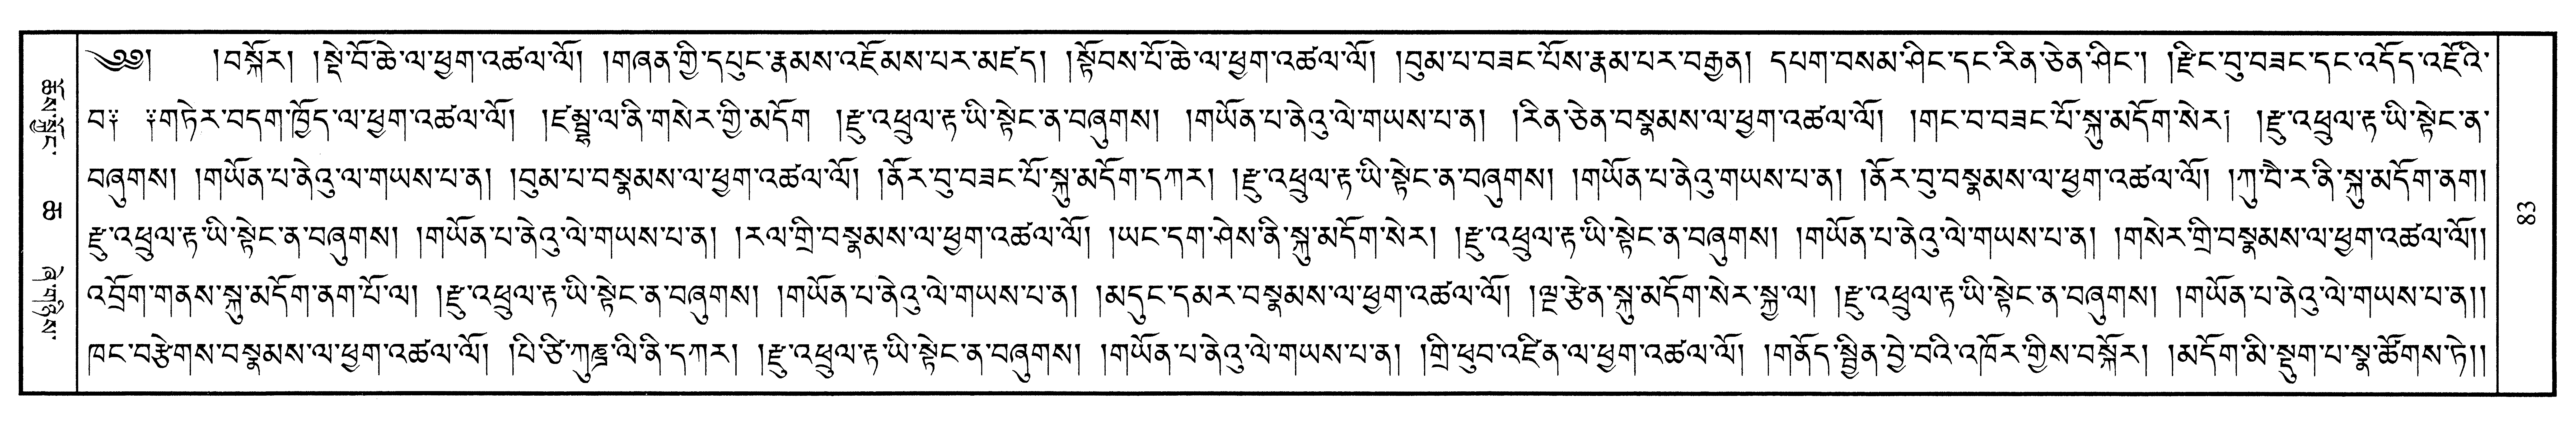༄༅། །བསྐོར། །སྡེ་བོ་ཆེ་ལ་ཕྱག་འཚལ་ལོ། །གཞན་གྱི་དཔུང་རྣམས་འཇོམས་པར་མཛད། །སྟོབས་པོ་ཆེ་ལ་ཕྱག་འཚལ་ལོ། །བུམ་པ་བཟང་པོས་རྣམ་པར་བརྒྱན། དཔག་བསམ་ཤིང་དང་རིན་ཅེན་ཤིང་། །རྫིང་བུ་བཟང་དང་འདོད་འཇོའི་
བ༑ ༑གཏེར་བདག་ཁྱོད་ལ་ཕྱག་འཚལ་ལོ། །ཛམྦྷ་ལ་ནི་གསེར་གྱི་མདོག །རྫུ་འཕྲུལ་རྟ་ཡི་སྟེང་ན་བཞུགས། །གཡོན་པ་ནེའུ་ལེ་གཡས་པ་ན། །རིན་ཅེན་བསྣམས་ལ་ཕྱག་འཚལ་ལོ། །གང་བ་བཟང་པོ་སྐུ་མདོག་སེར། །རྫུ་འཕྲུལ་རྟ་ཡི་སྟེང་ན་
བཞུགས། །གཡོན་པ་ནེའུ་ལ་གཡས་པ་ན། །བུམ་པ་བསྣམས་ལ་ཕྱག་འཚལ་ལོ། །ནོར་བུ་བཟང་པོ་སྐུ་མདོག་དཀར། །རྫུ་འཕྲུལ་རྟ་ཡི་སྟེང་ན་བཞུགས། །གཡོན་པ་ནེའུ་གཡས་པ་ན། །ནོར་བུ་བསྣམས་ལ་ཕྱག་འཚལ་ལོ། །ཀུ་བཻ་ར་ནི་སྐུ་མདོག་ནག།
རྫུ་འཕྲུལ་རྟ་ཡི་སྟེང་ན་བཞུགས། །གཡོན་པ་ནེའུ་ལེ་གཡས་པ་ན། །རལ་གྲི་བསྣམས་ལ་ཕྱག་འཚལ་ལོ། །ཡང་དག་ཤེས་ནི་སྐུ་མདོག་སེར། །རྫུ་འཕྲུལ་རྟ་ཡི་སྟེང་ན་བཞུགས། །གཡོན་པ་ནེའུ་ལེ་གཡས་པ་ན། །གསེར་གྲི་བསྣམས་ལ་ཕྱག་འཚལ་ལོ།།
འབྲོག་གནས་སྐུ་མདོག་ནག་པོ་ལ། །རྫུ་འཕྲུལ་རྟ་ཡི་སྟེང་ན་བཞུགས། །གཡོན་པ་ནེའུ་ལེ་གཡས་པ་ན། །མདུང་དམར་བསྣམས་ལ་ཕྱག་འཚལ་ལོ། །ལྔ་རྩེན་སྐུ་མདོག་སེར་སྐྱ་ལ། །རྫུ་འཕྲུལ་རྟ་ཡི་སྟེང་ན་བཞུགས། །གཡོན་པ་ནེའུ་ལེ་གཡས་པ་ན།།
ཁང་བརྩེགས་བསྣམས་ལ་ཕྱག་འཚལ་ལོ། །པི་ཙི་ཀུཎྜ་ལི་ནི་དཀར། །རྫུ་འཕྲུལ་རྟ་ཡི་སྟེང་ན་བཞུགས། །གཡོན་པ་ནེའུ་ལེ་གཡས་པ་ན། །གྲི་ཕུབ་འཛིན་ལ་ཕྱག་འཚལ་ལོ། །གནོད་སྦྱིན་བྱེ་བའི་འཁོར་གྱིས་བསྐོར། །མདོག་མི་སྡུག་པ་སྣ་ཚོགས་ཏེ།།